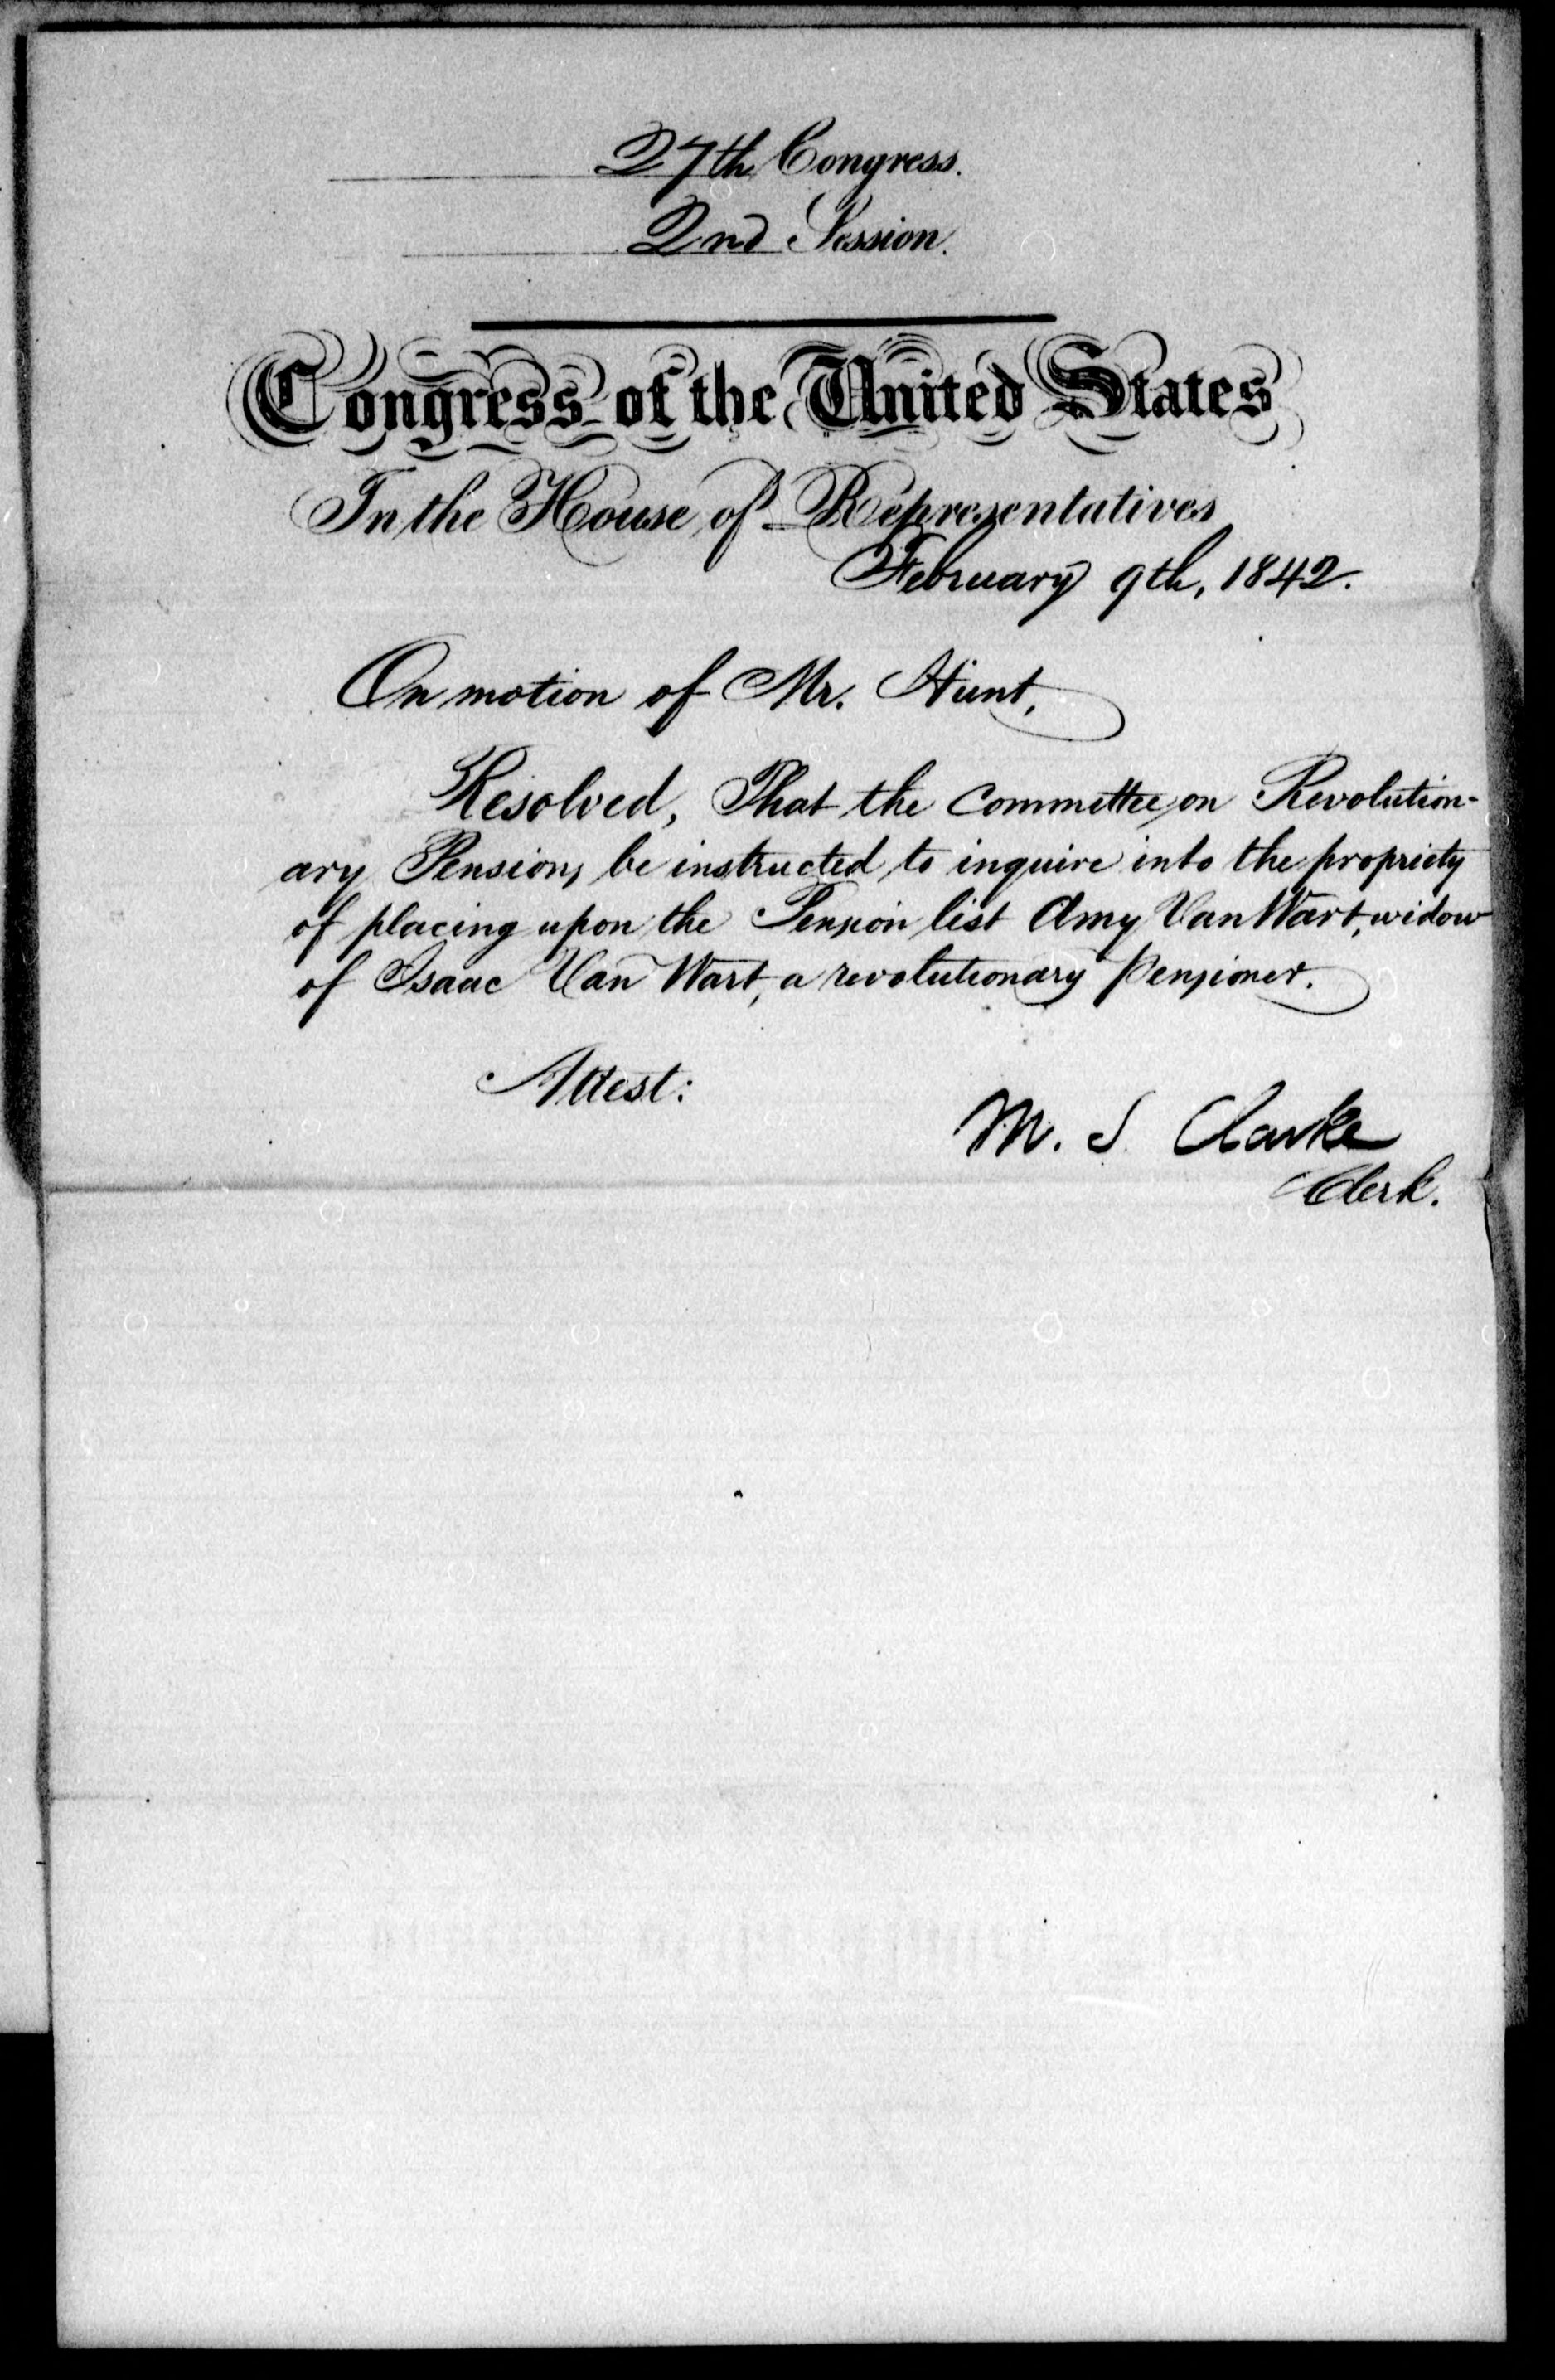27th Congress.
2nd Session.
Congress of the United States In the House of Representatives February 9th, 1842. 
On motion of Mr. Hunt, 
Resolved, That the Committee on Revolutionary Pensions be instructed to inquire into the propriety of placing upon the Pension list Amy Van Wart, widow of Isaac Van Wart, a revolutionary Pensioner. 
Attest: M. S. Clarke  Clerk.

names: Amy Van Wart, Isaac Van Wart, M S Clarke, Hunt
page: 81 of 102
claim: widow's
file: W. 18239, Isaac Van Wart, New York